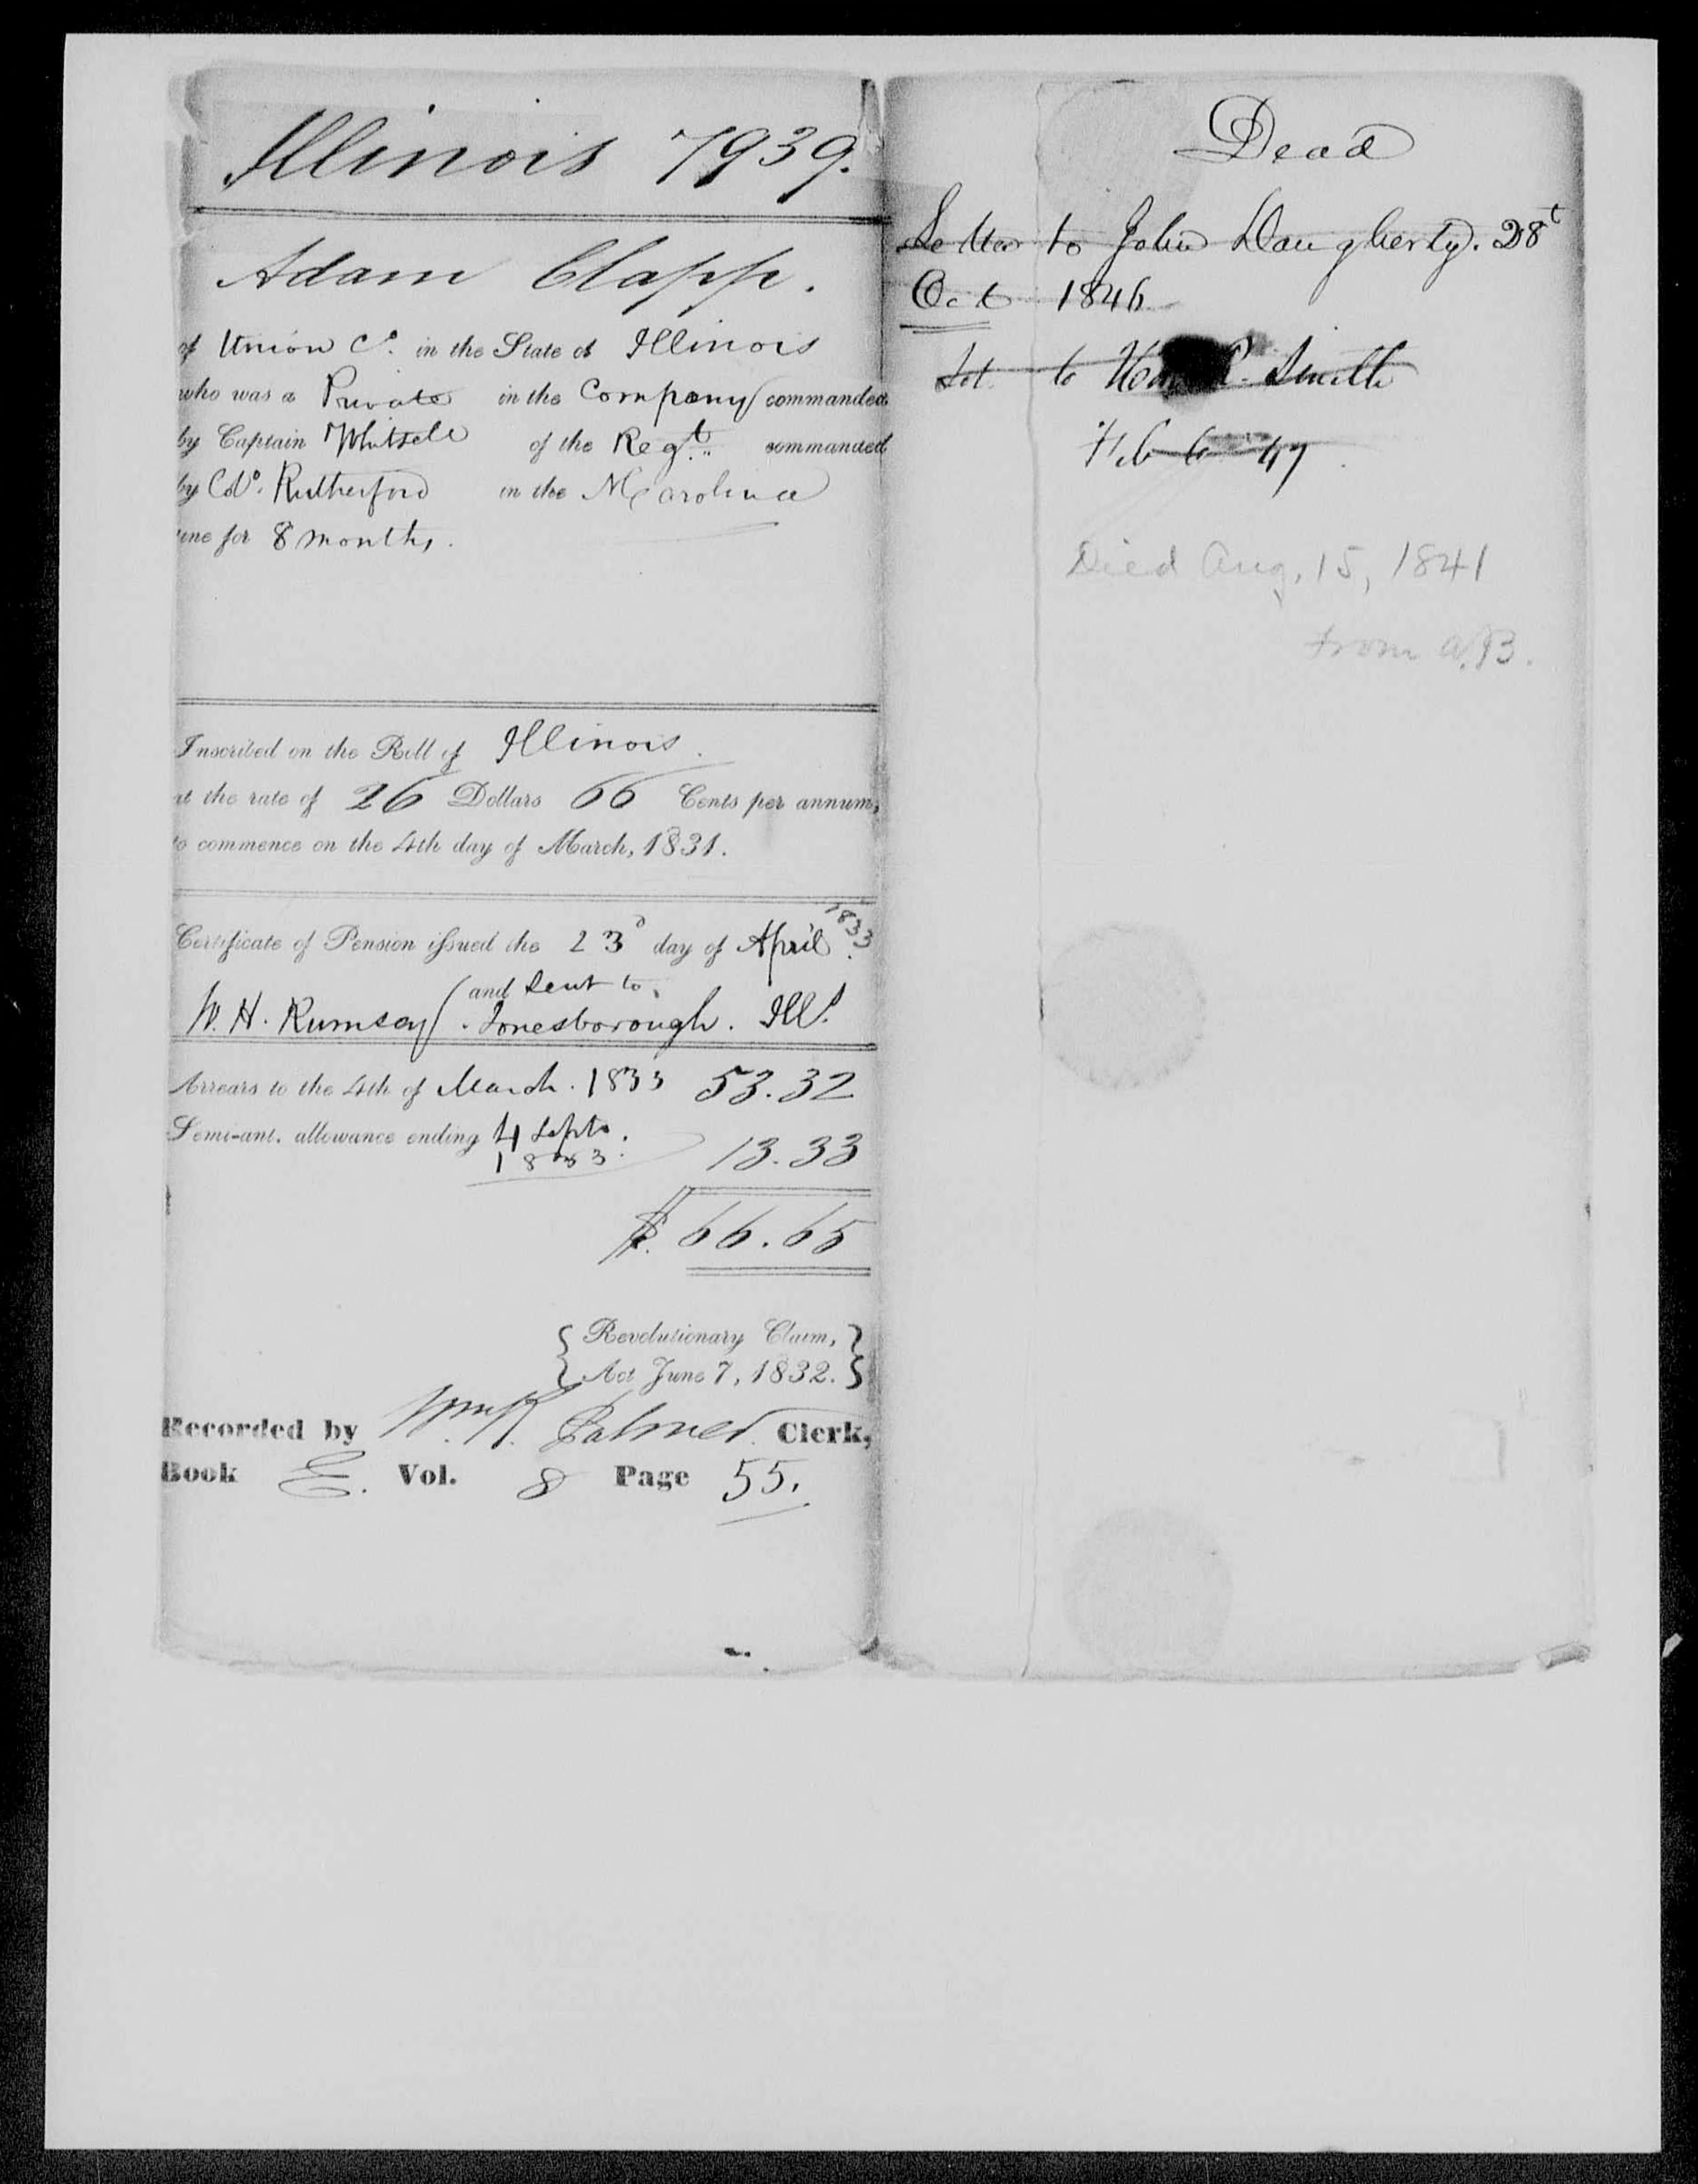[printed form, handwritten responses]
Illinois 7939.
Adam Clapp
of Union Co in the State of Illinois
who was a Private in the Company commanded
by Captain Whitsell of the Regt. commanded
by Col. Rutherford in the N Carolina
line for 8 months.

Inscribed on the Roll of Illinois
the rate of 26 Dollars 66 Cents per annum,
to commence on the 4th day of March, 1831.

Certificate of Pension issued the 23d day of April 1833
and sent to
W.H. Rumsey, Jonesborough. Ill.

Arrears to the 4th of March 1833  53.32
Semi-anl. allowance ending 4 Sept. 1833: 13.33
[total] $66.65

{Revolutionary Claim, }
{Act June 7, 1832.      }
Recorded by Wm. R. Palmer Clerk,
Book E Vol. 8 Page 55,

Dead
["See lter to John Daugherty 28t
Oct 1846
Lot to Ho [page damage] R. Smith
Feb 17 47" crossed out]

Died Aug. 15, 1841
From A.B.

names: Wm R Palmer, W H Rumsey, Adam Clapp, Whitsell, Smith, John Daugherty, Rutherford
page: 2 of 23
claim: survivor's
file: S. 30,937, Adam Clapp, N.C.